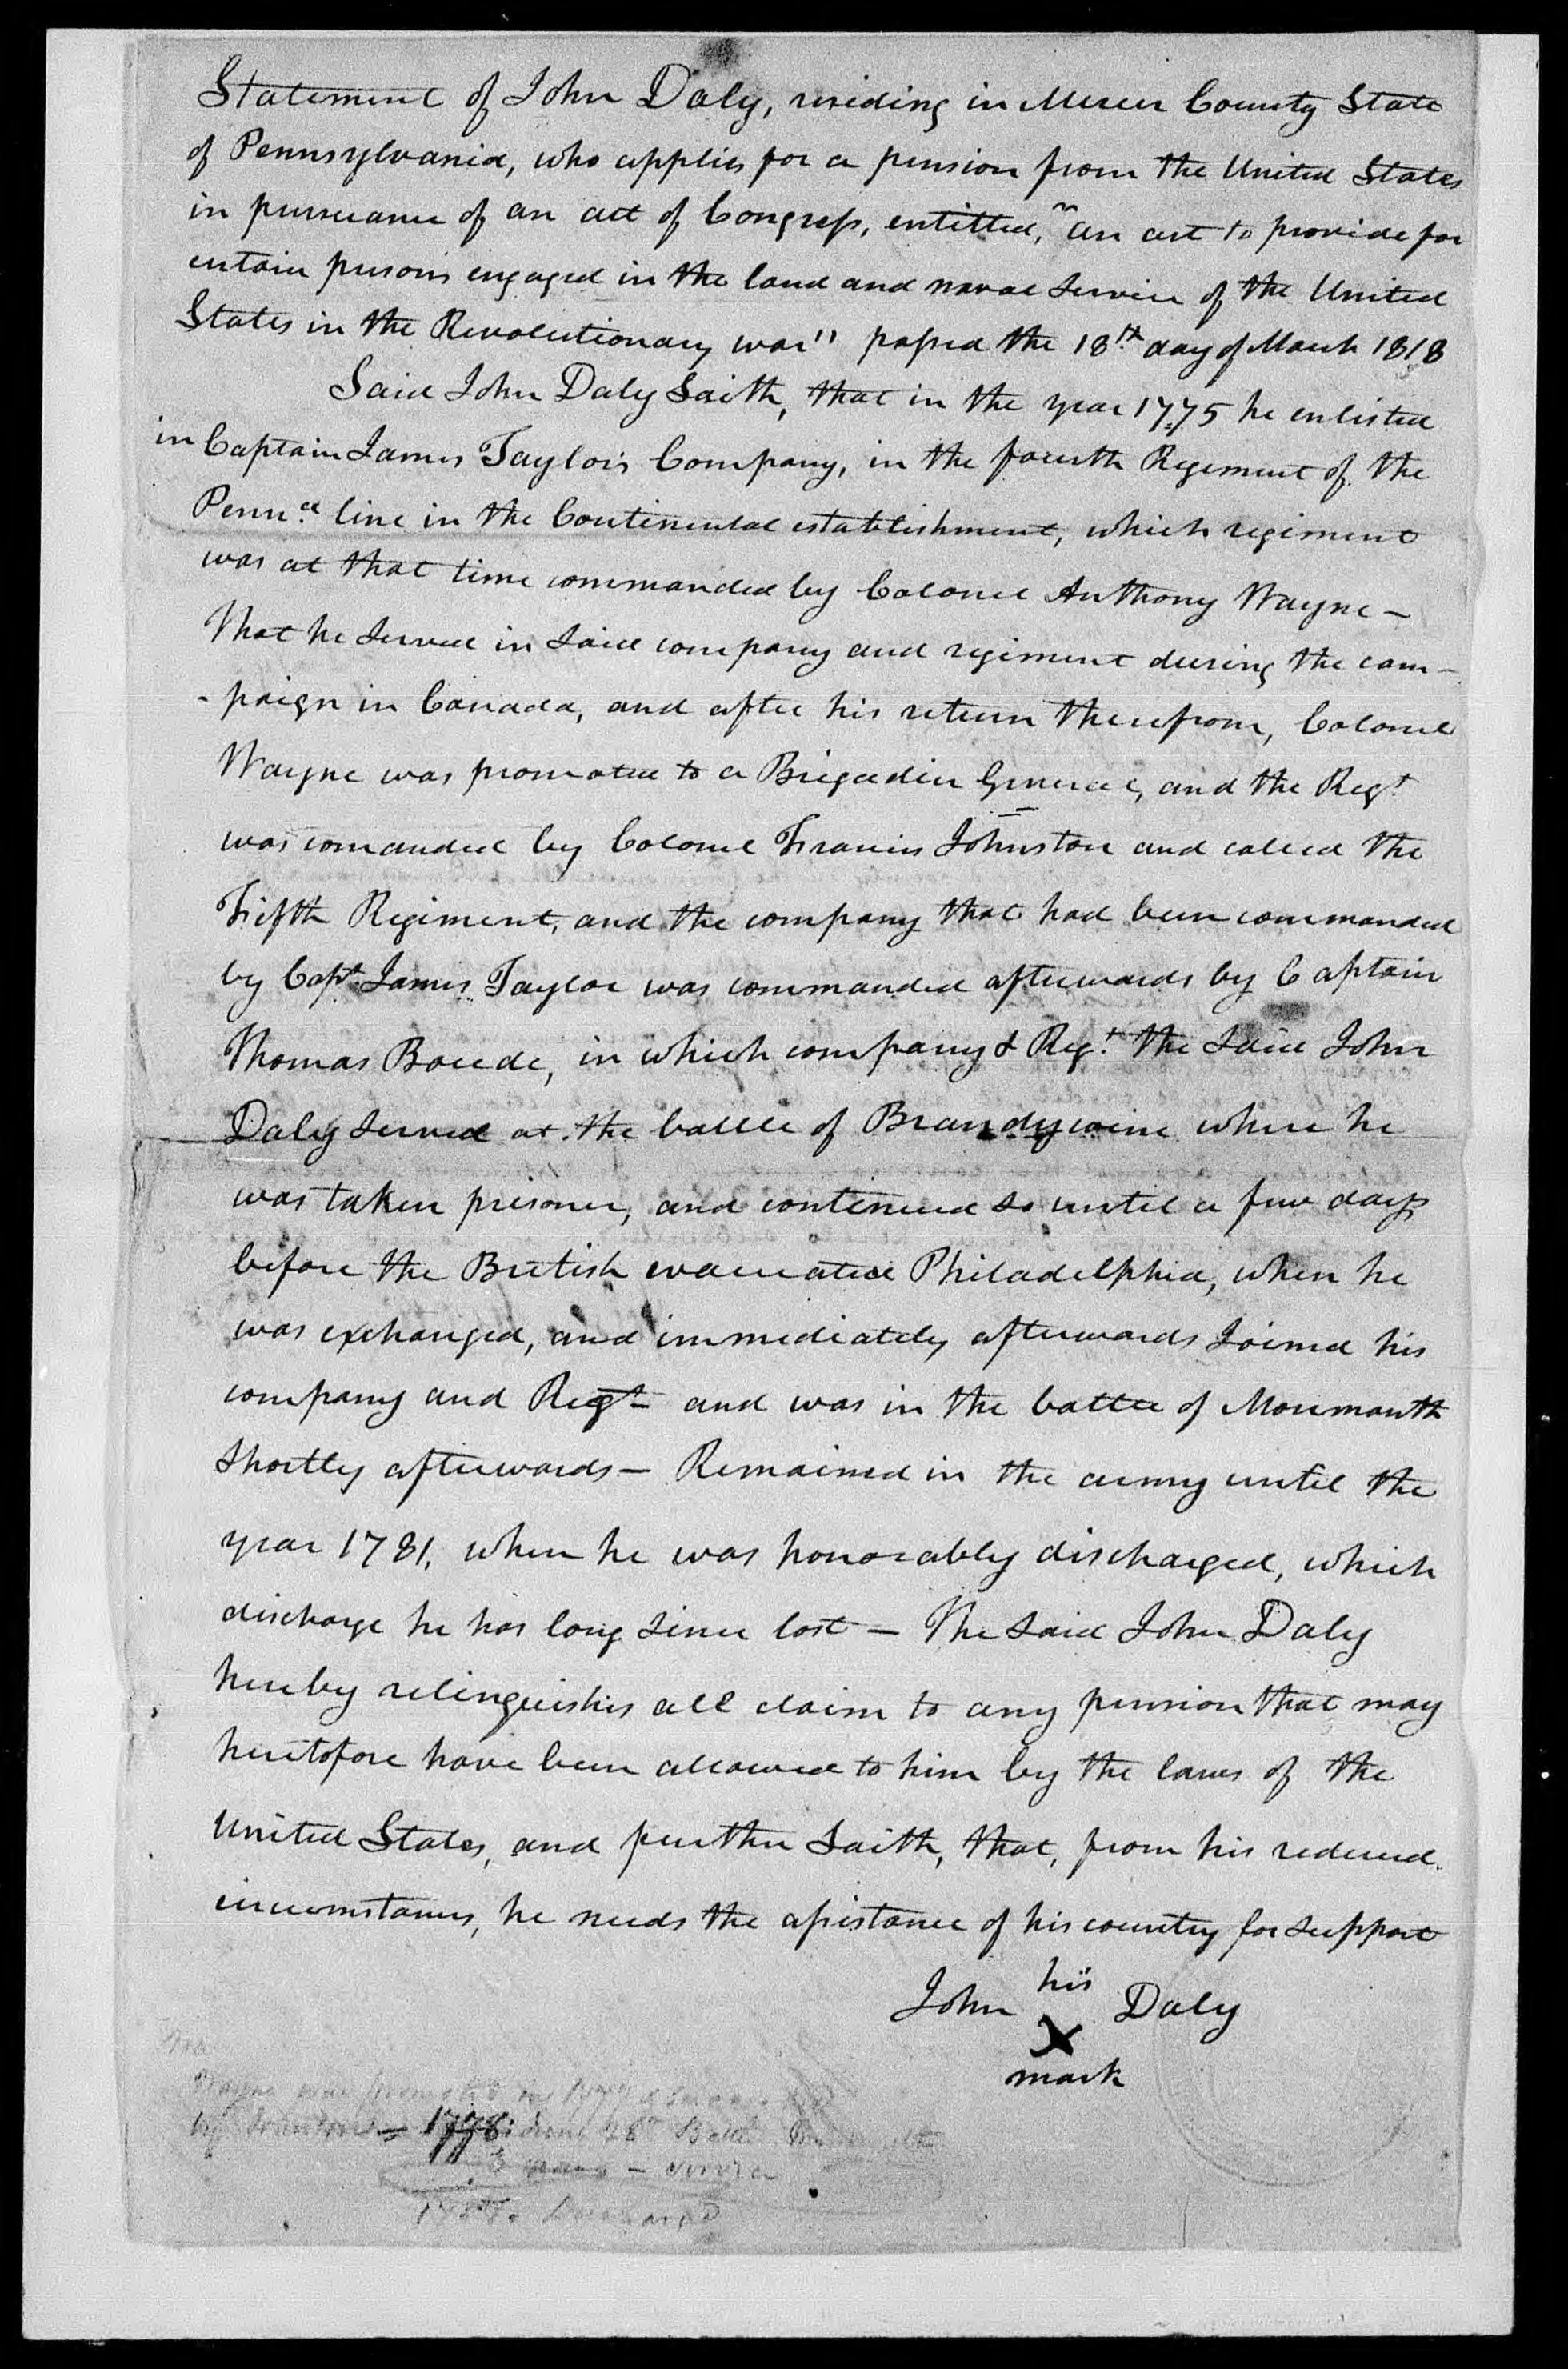Statement of John Daly, residing in Main County State of Pennsylvania, who applied for a pernsion from the United States in pursuance of an act of Congress, entitled, "an act to provide for certain persons engaged in the land and naval division of the United States in the Revolutionary War" passed the 18th day of March 1818
Said John Daly Saith, that in the year 1775 he enlisted in Captain James Taylor's Company, in the fourth regiment of the Penn Line in the Continental establishment, which regiment was at that time commanded by Colonel Anthony Wayne - that he served in said company and regiment during the campaign in Canada, and after his return thereupon, Colonel Wayne was promoted to a Brigadier General, and the Regt was commanded by Colonel Francis Johnston and called the Fifth Regiment, and the company that had been commanded by Capt James Taylor was commanded afterward by Captain Thomas Boude, in which company & Reg said John Daly serverd at the battle of Brandywine where he was taken prisoner, and continued so until a few days before the British evacuated Philadelphia, when he was exchanged, and immediatley afterwards joined his company and Regt and was in the battle of Monmouth shortly afterwards - Remained in the army unbtil the year 1782, when he was honorably discharged, which discharge he has long since lost - The said John Daly hereby relinquishes all claim to any pension that may heretofore have been allowed to him by the laws of the United States, and further saith, that, from his reduced circumstances, he needs the assistance of his country for support.
{signed|} John Daly x his mark

{stamp}

{writing lower left corner illegible - faded}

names: Francis Johnston, Thomas Boude, Wayne, John Daly, John Daly, John Daly, James Taylor, John Daly, Anthony Wayne, John Daly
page: 3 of 63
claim: widow's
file: W. 3228, John Daly, Penn.